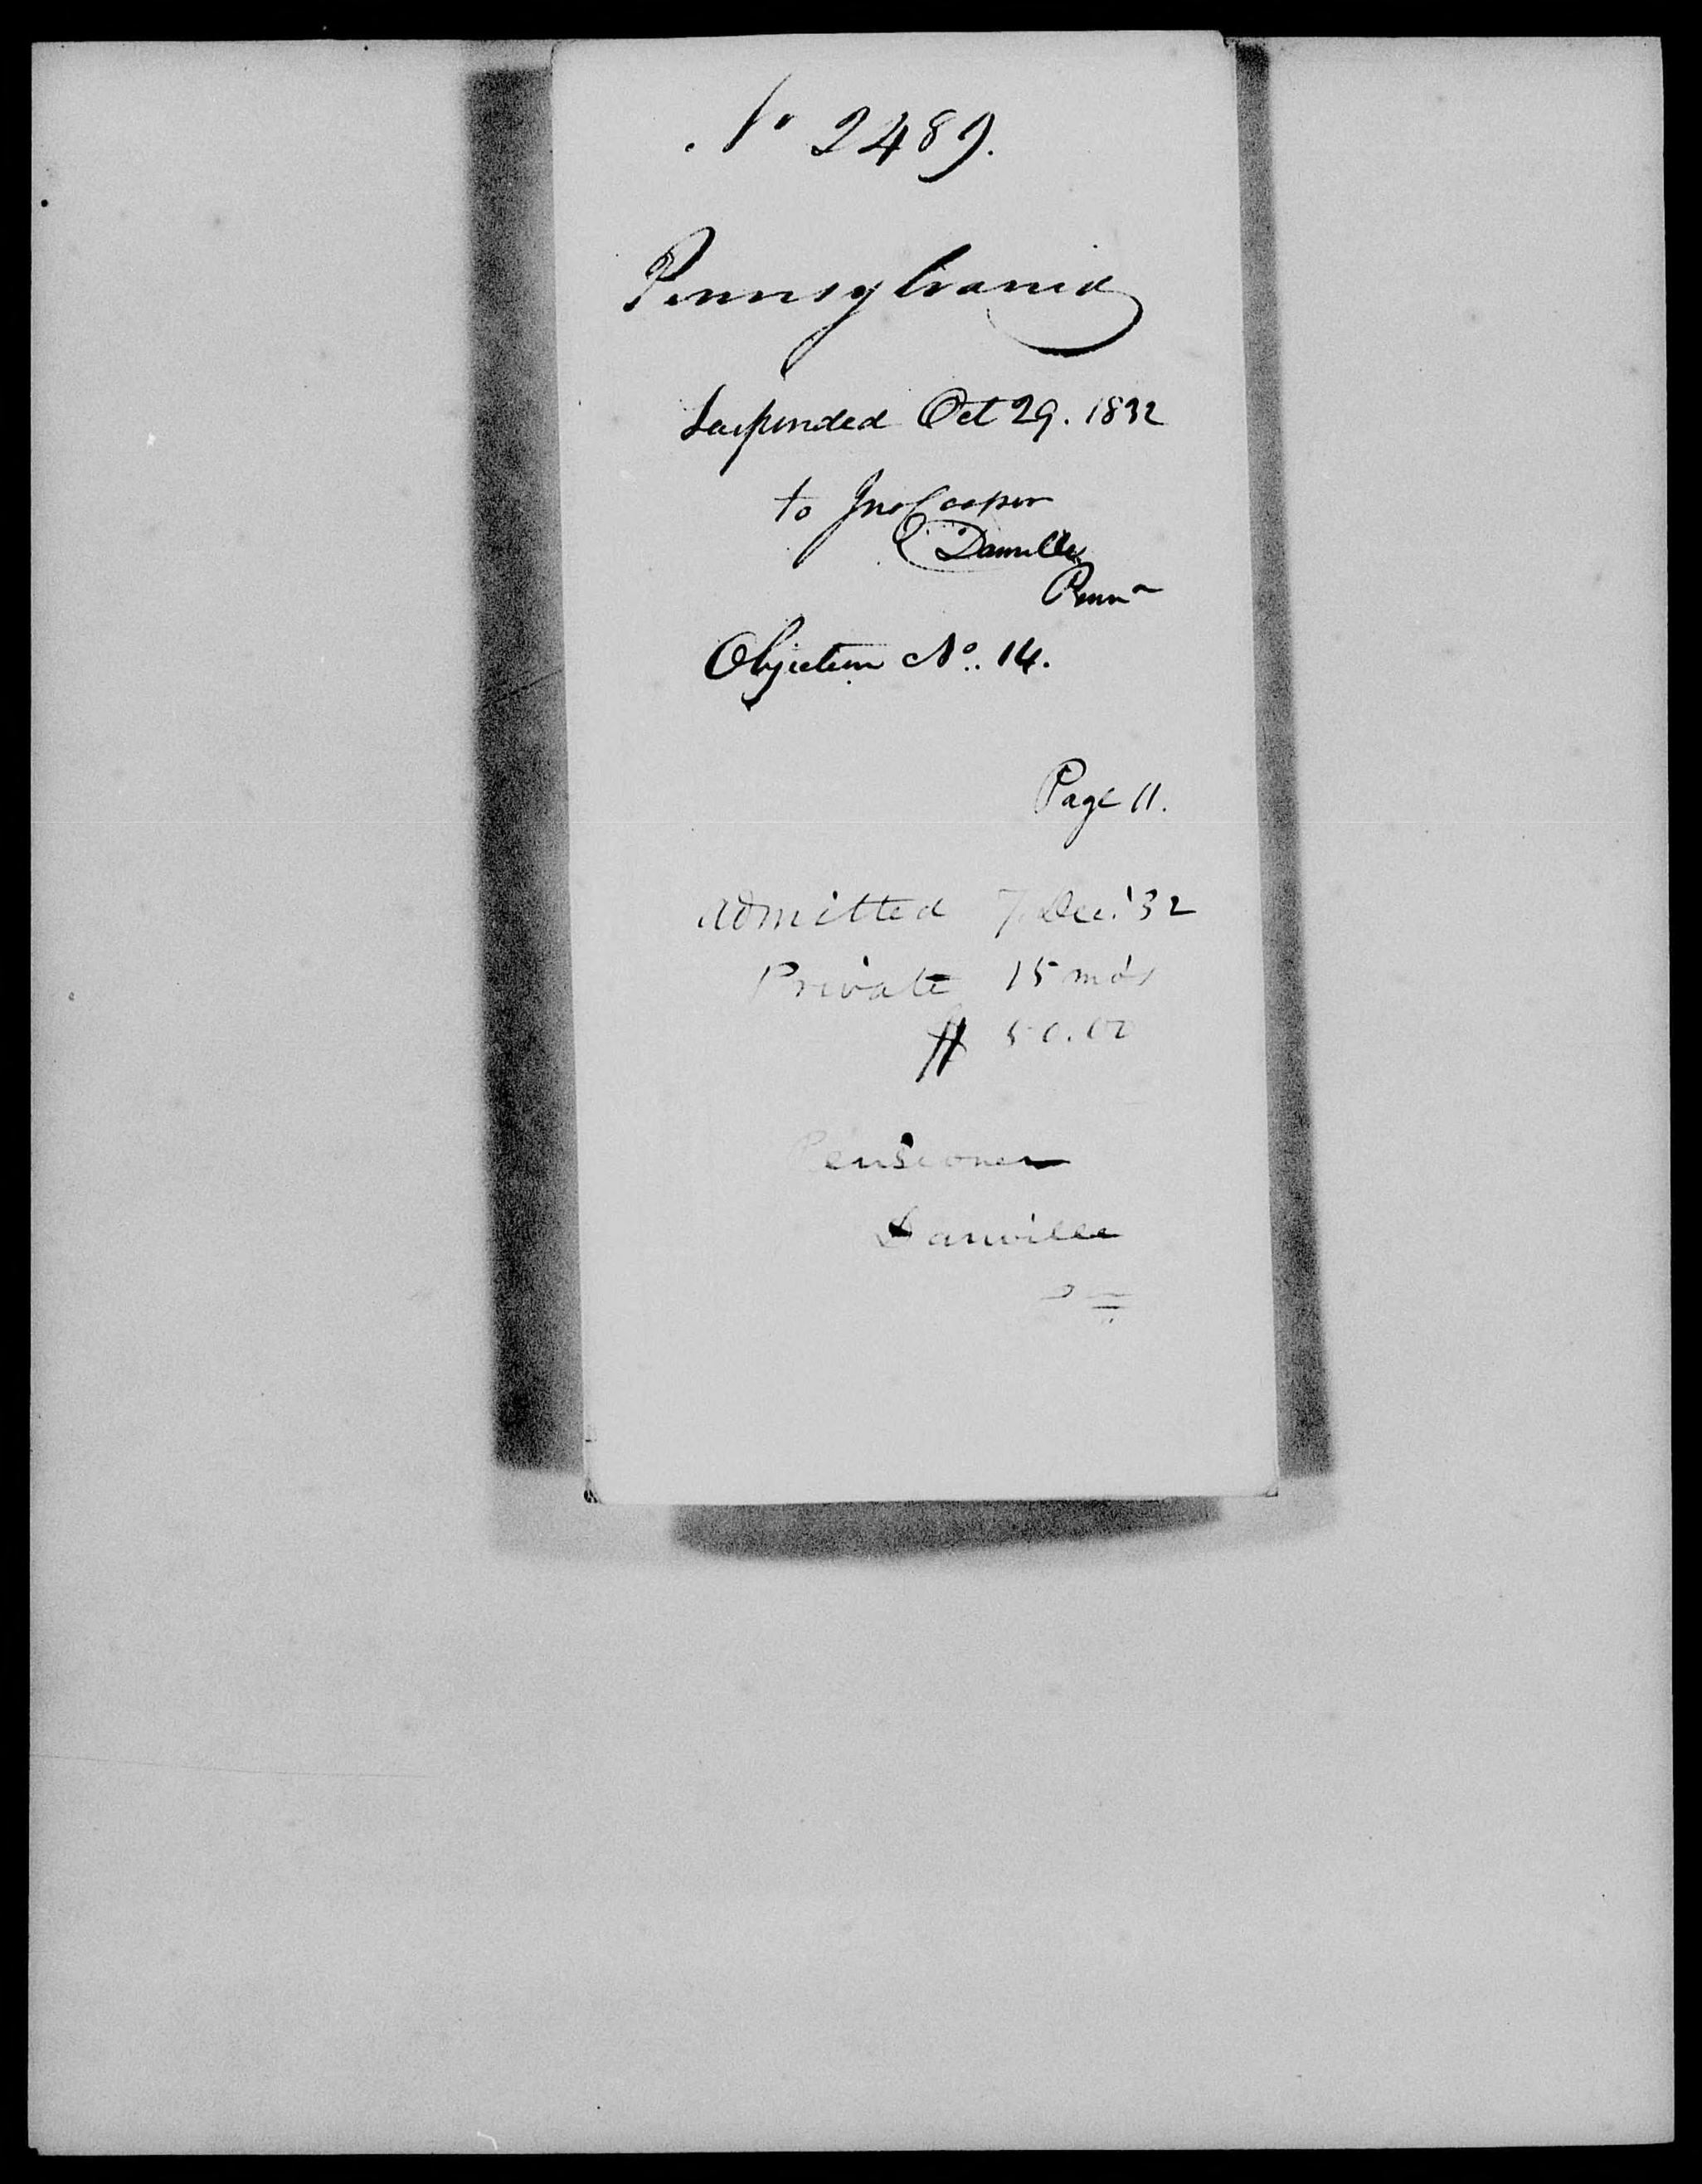No. 2489

Pennsylvania
Suspended Oct 29, 1832

to Jn. Cooper
Danville, Penna.

Objection No. 14.
Page 11.

Admitted 7 Dec. '32
Private  15 mos.

$ 50.00

Pensioner
Danville, Penna.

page: 3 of 12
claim: survivor's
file: S. 2733, for Roger Martin, Pennsylvania